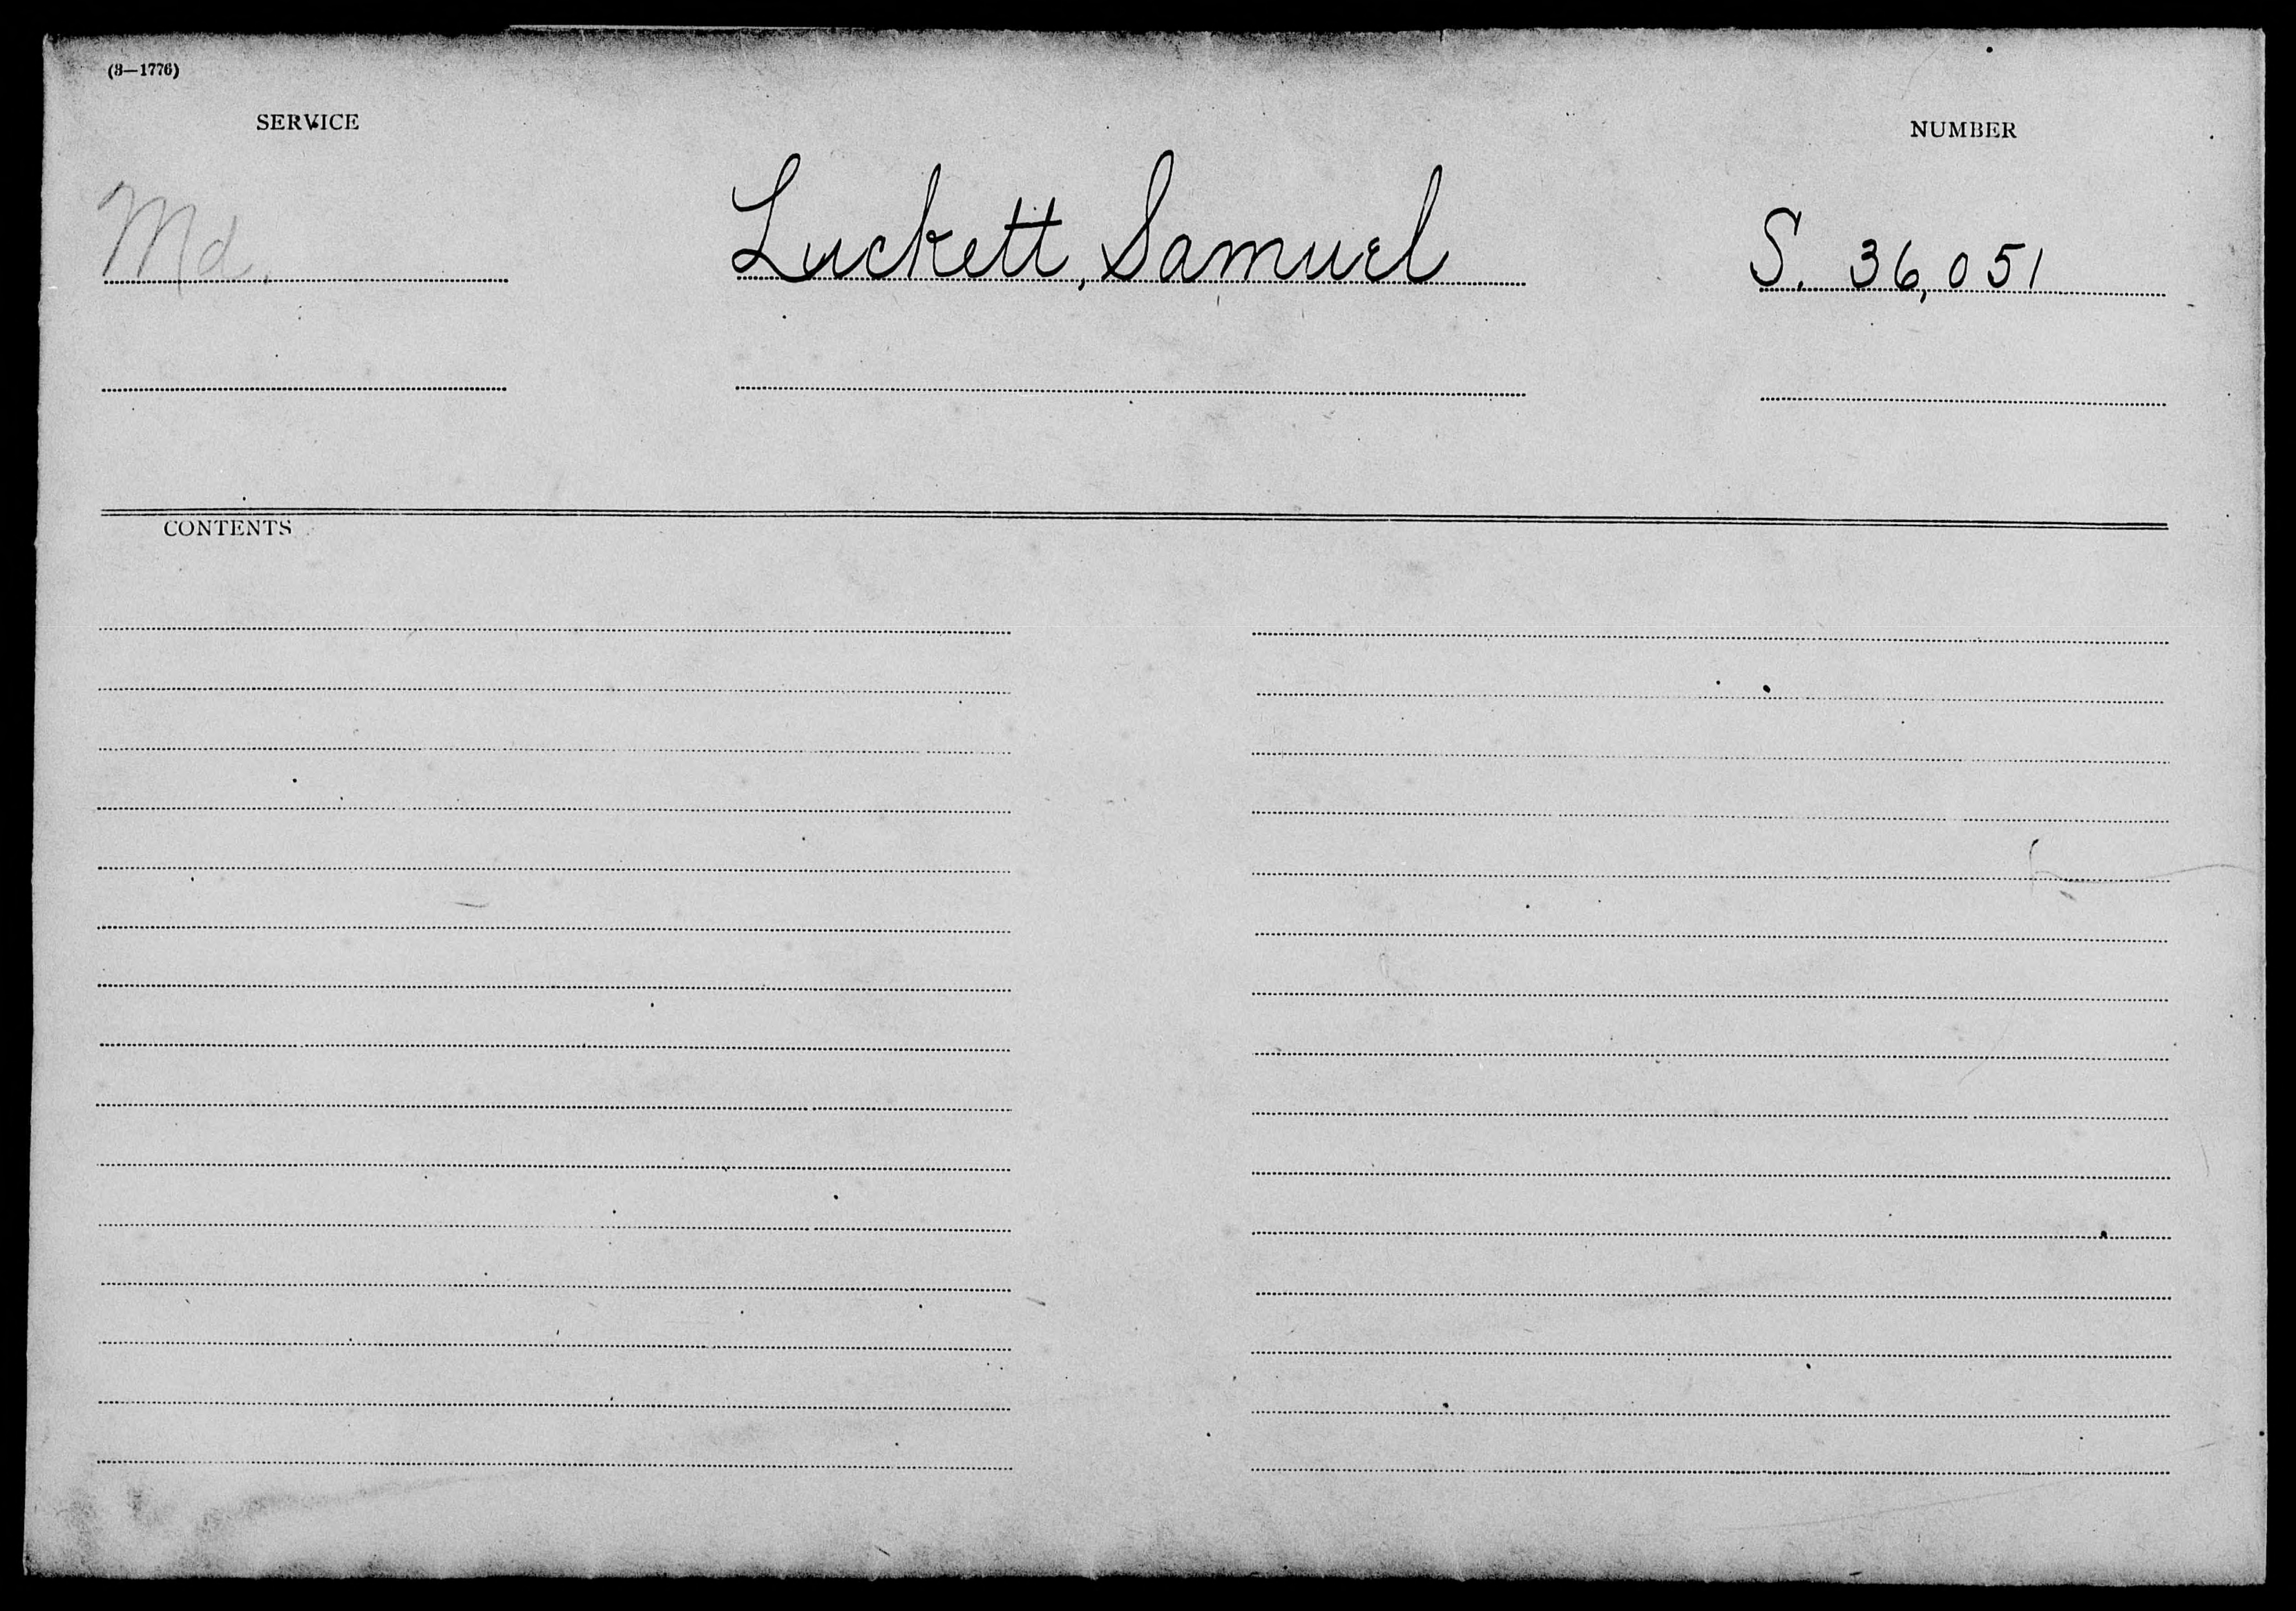(3-1776)
SERVICE
Md.
CONTENTS
Luckett, Samuel
NUMBER
S. 36,051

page: 1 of 34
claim: survivor's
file: S. 36,051, for Samuel Luckett, Maryland